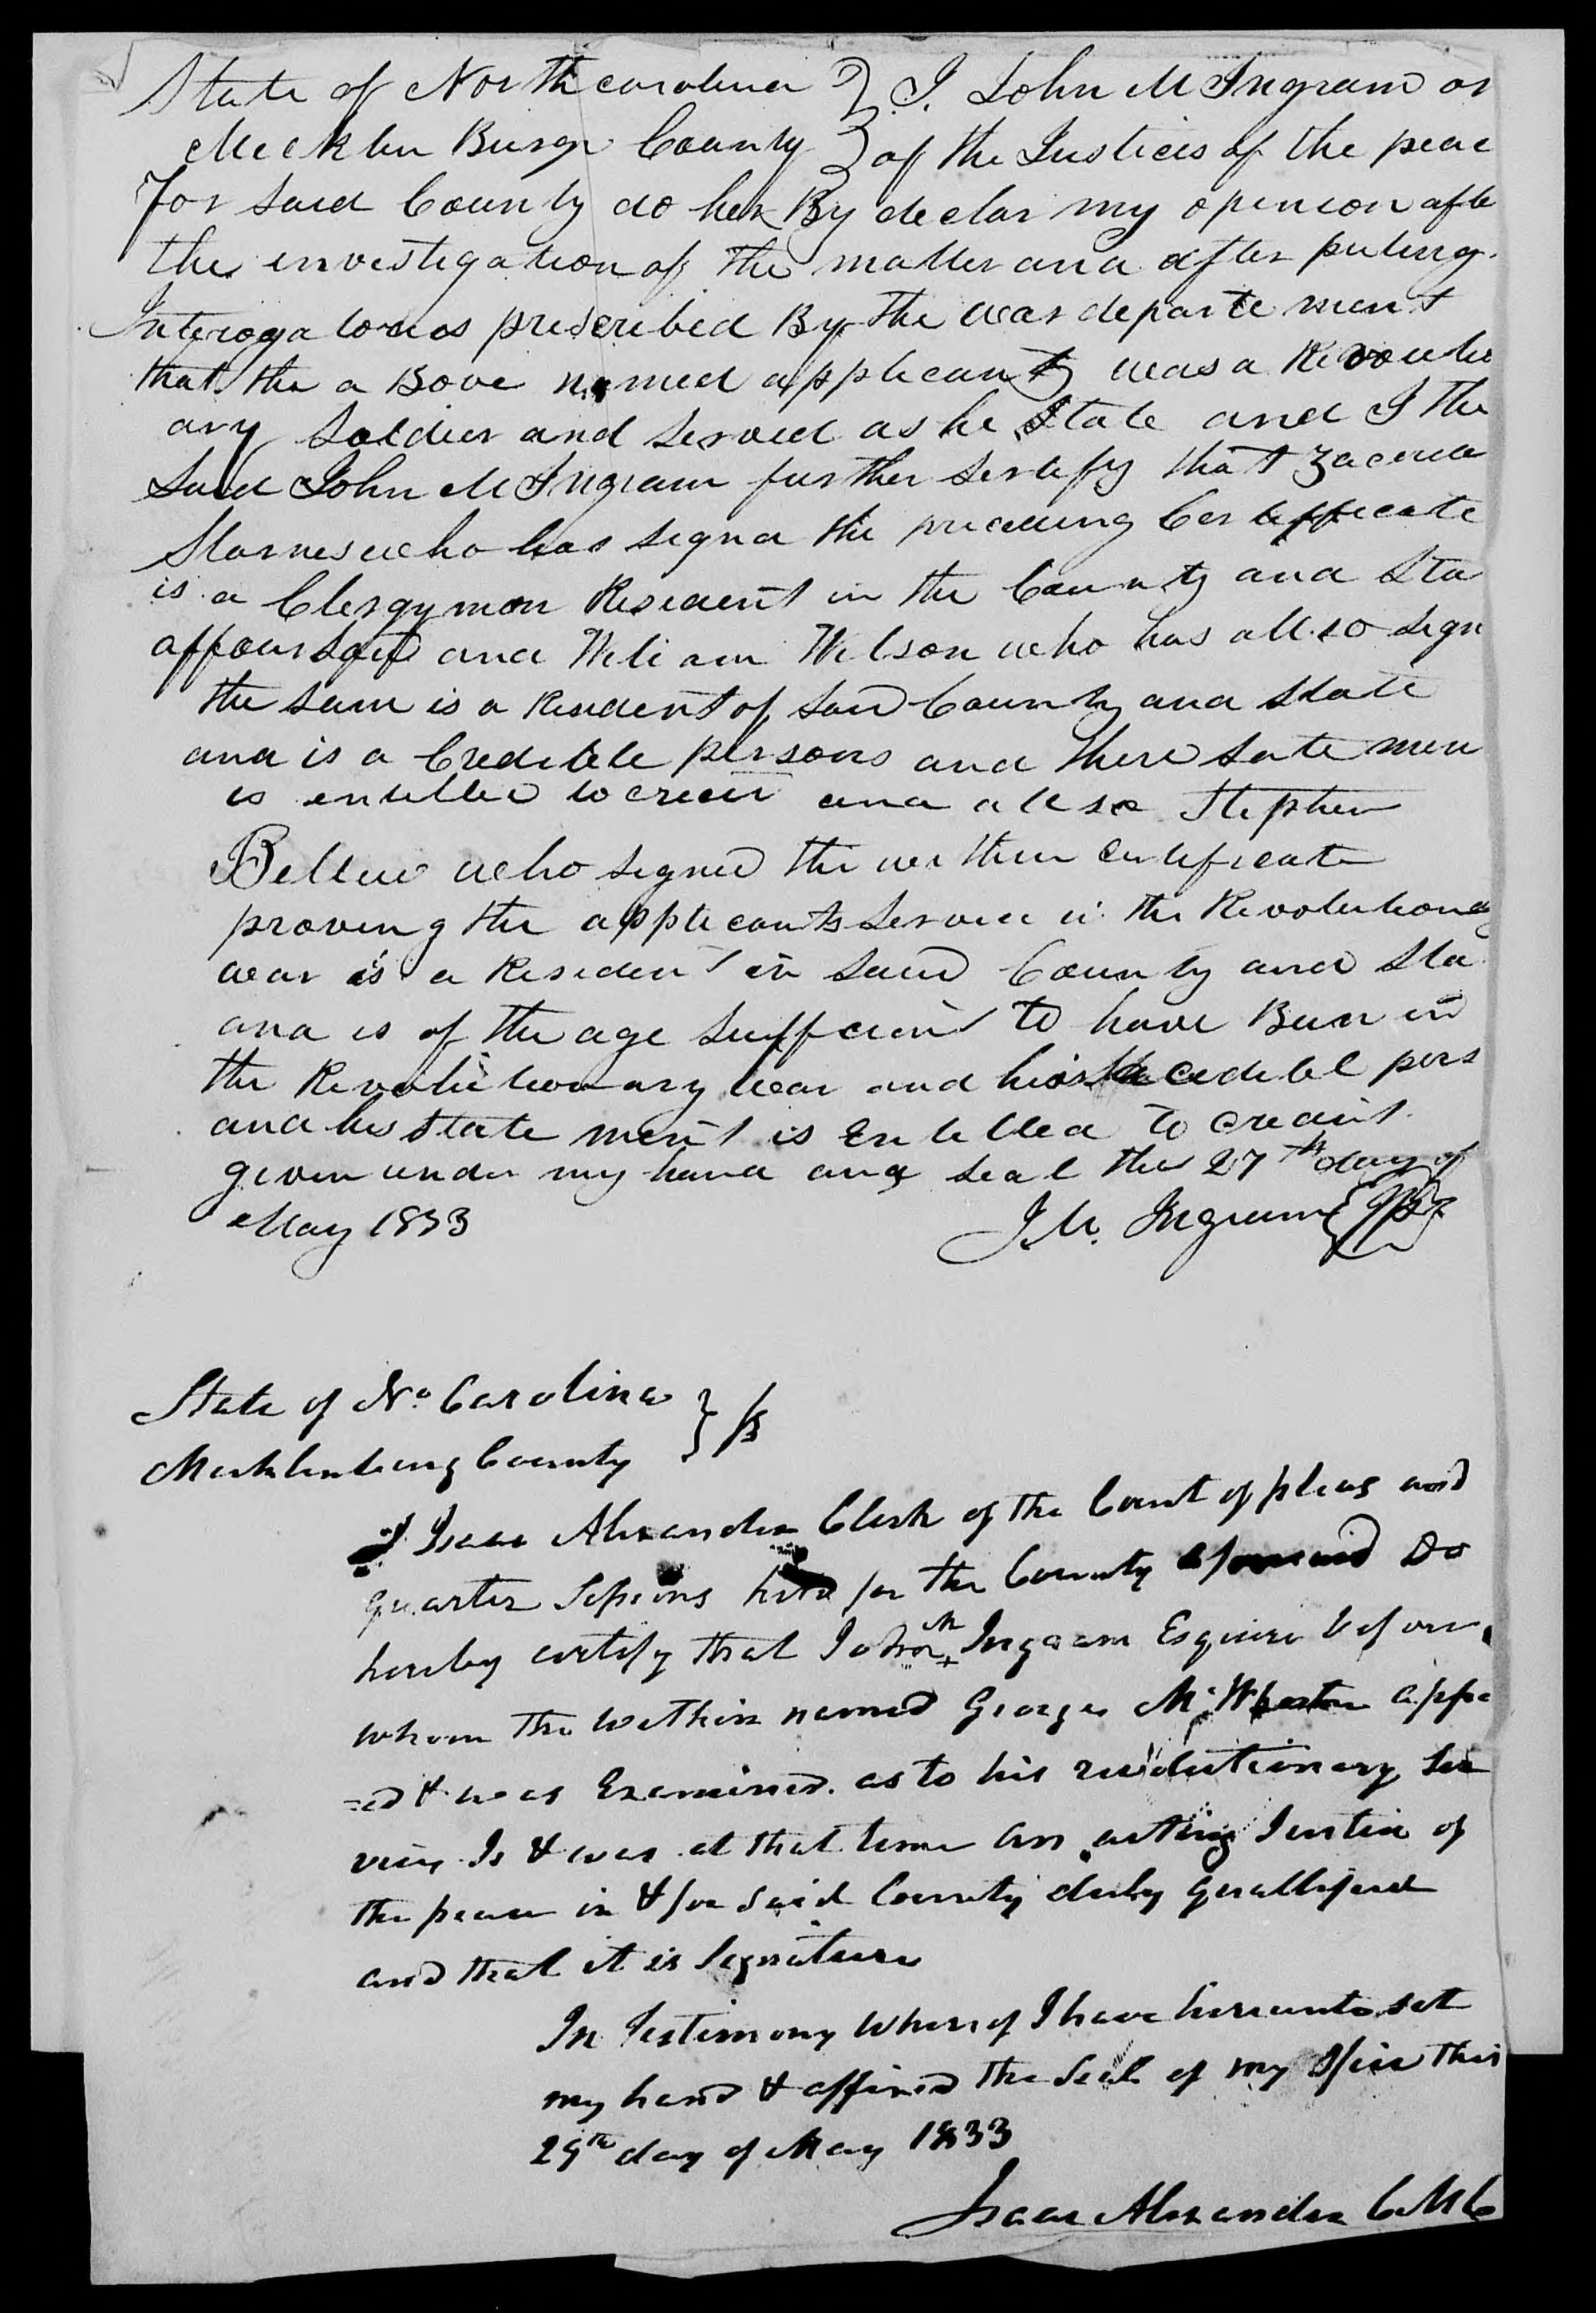[ State of North Carolina Mecklenburg County  ] I, John  M. Ingram one of the Justices of the peace for said County  and hereby declare my opinion after the investigation of the matter and after putting the interrogatories prescribed by the War Department that the above named  applicant was a  Revolutionary soldier and served as he states and I the said John M Ingram  further testify that  Zacariah Starnes who has signed the proceeding certificate is a Clergyman resident in the County  and State aforesaid  and William Wilson  who has also signed  the same is a resident of said County and State and is a credible persons  and their statement is entitled to credit and  also Stephen Bellue who signed the written certificate proving the applicant's service in the Revolutionary War  is a resident in said County and State and is of the age sufficient to have been in the  Revolutionary War and he is a credible person and his statement is entitled to credit. Given under my hand and seal the 27th day of May 1833.  J. M. Ingram  ( signed / sealed ) JP   [ State of North Carolina Mecklenburg County ] SS. I, Isaac Alexander Clerk of the Court of Pleas and Quarter Sessions held for the County aforesaid do hereby certify that John M. Ingram  Esquire before whom the within named George McWhorter appeared was examined as to his revolutionary services is & was at that time an acting Justice of the peace in & for said County duly qualified and that it is  his signature. In testimony whereof I have hereunto set my hand & affixed the seal of my office this 29th day of May 1833. Isaac Alexander  ( signed ) CMC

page: 24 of 35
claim: survivor's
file: S. 9,011, for George Mc Whorter, North Carolina